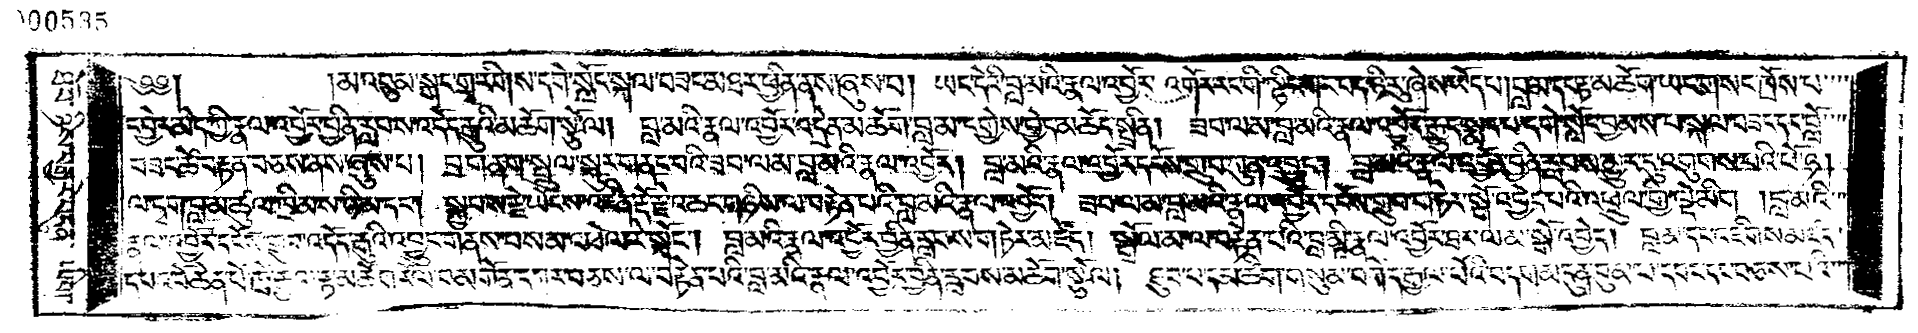༄༅། །མ་འབུམ་སྒང་གྲྭ་རིགས་དགེ་སློང་སྐལ་བཟང་མཐར་ཕྱིན་ནས་ཞུས་པ། ཡང་དེའི་བླ་མའི་རྣལ་འབྱོར་འགོར་རང་གི་སྙིང་གར་པད་ཉི་རུ་ཞེས་ཡོད་པ། བླ་མ་དང་རྟ་མཆོག་ཡང་གསང་ཁྲོས་པ་
དབྱེར་མེད་ཀྱི་རྣལ་འབྱོར་བྱིན་རླབས་འདོད་རྒུའི་མཆོག་སྩོལ། བླ་མའི་རྣལ་འབྱོར་འདྲེན་མཆོག་བླ་མ་དགྱེས་བྱེད་མཆོད་སྤྲིན། ཟབ་ལམ་བླ་མའི་རྣལ་འབྱོར་རྒྱུད་སྨད་པ་དགེ་སློང་བྱམས་པ་སྐལ་བཟང་དང་བློ་
བཟང་ཚེ་བརྟན་བཅས་ནས་ཞུས་པ། བྲག་ནག་སྤྲུལ་སྐུར་གནང་བའི་ཟབ་ལམ་བླ་མའི་རྣལ་འབྱོར། བླ་མའི་རྣལ་འབྱོར་དངོས་གྲུབ་ཀུན་འབྱུང་། བླ་མའི་རྣལ་འབྱོར་བྱིན་རླབས་མྱུར་དུ་འགུགས་པའི་ཕོ་ཉ།
ལ་དྭག་བླ་མ་ཚུལ་ཁྲིམས་ཉི་མ་དང་། སྐྱབས་རྗེ་ཡོངས་འཛིན་རྡོ་རྗེ་འཆང་གཉིས་ལ་བརྟེན་པའི་བླ་མའི་རྣལ་འབྱོར། ཟབ་ལམ་བླ་མའི་རྣལ་འབྱོར་དངོས་གྲུབ་གཏེར་སྒོ་འབྱེད་པའི་འཕྲུལ་གྱི་ལྡེ་མིག །བླ་མའི་
རྣལ་འབྱོར་དངོས་གྲུབ་འདོད་རྒུའི་འབྱུང་གནས་བསམ་འཕེལ་རེ་སྐོང་། བླ་མའི་རྣལ་འབྱོར་བྱིན་རླབས་གཏེར་མཛོད། སྒྲོལ་མ་ལ་བརྟེན་པའི་བླ་མའི་རྣལ་འབྱོར་ཐར་ལམ་སྒོ་འབྱེད། བླ་མ་དང་འཇིགས་མཛད་
དཔའ་བོ་ཆེན་པོ་ཁྲོ་རྒྱལ་རྟ་མཆོག་རོལ་བ་མགོན་དཀར་བཅས་ལ་བརྟེན་པའི་བླ་མའི་རྣལ་འབྱོར་བྱིན་རླབས་མཆོག་སྩོལ། ཐུབ་པ་དམ་ཚིག་གསུམ་བཀོད་རྒྱལ་པོའི་བདག་མདུན་བུམ་པ་དབང་དང་བཅས་པའི་